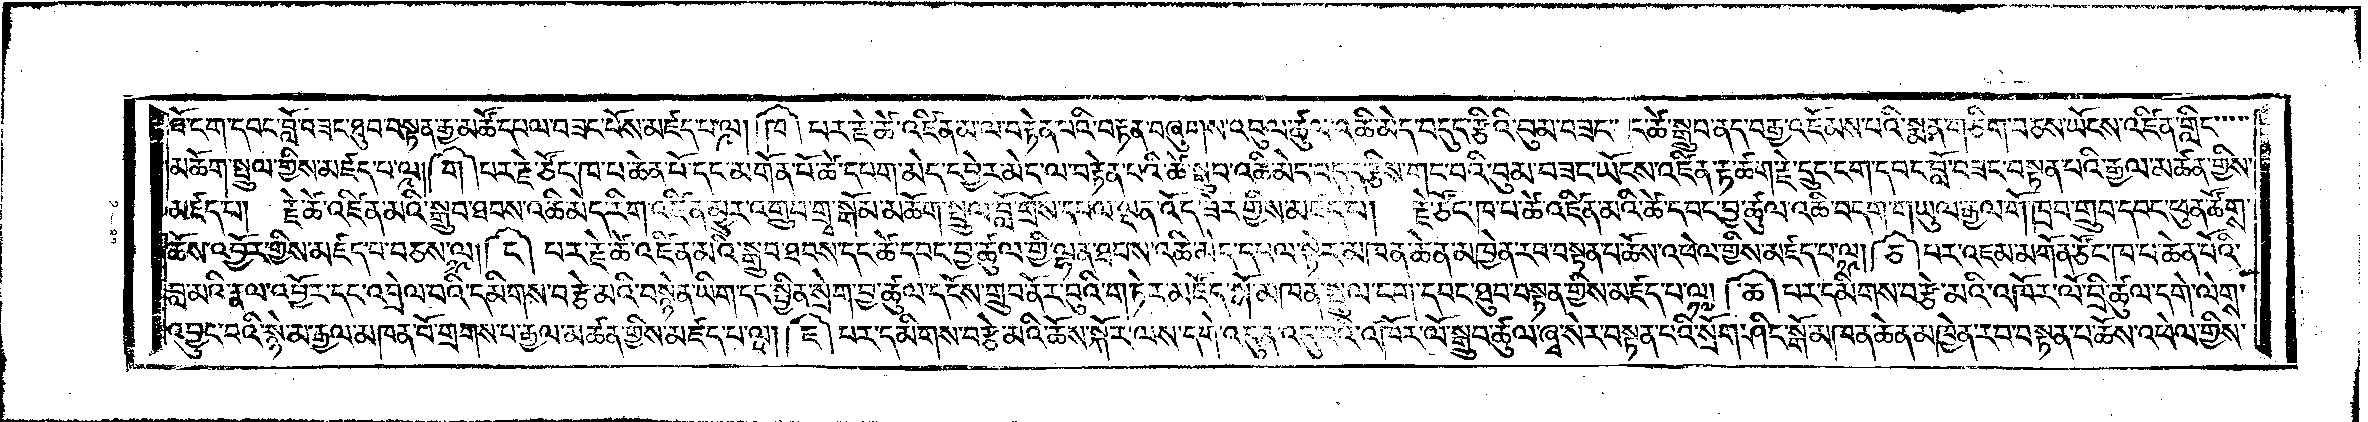ཐོ་ངག་དབང་བློ་བཟང་ཐུབ་བསྟན་རྒྱ་མཚོ་དཔལ་བཟང་པོས་མཛད་པ་ལ། ༼ཁ༽ པར་རྗེ་ཚེ་འཛིན་མ་ལ་བརྟེན་པའི་བརྟན་བཞུགས་འབུལ་ཚུལ་འཆི་མེད་བདུད་རྩིའི་བུམ་བཟང་དང་ཚེ་སྒྲུབ་ནད་བརྒྱ་འཇོམས་པའི་སྨན་གཅིག་བཅས་ཡོངས་འཛིན་གླིང་
མཆོག་སྤྲུལ་གྱིས་མཛད་པ་ལ། ༼ག༽ པར་རྗེ་ཙོང་ཁ་པ་ཆེན་པོ་དང་མགོན་པོ་ཚེ་དཔག་མེད་དབྱེར་མེད་ལ་བརྟེན་པའི་ཚེ་སྒྲུབ་འཆི་མེད་བདུད་རྩིས་གང་བའི་བུམ་བཟང་ཡོངས་འཛིན་རྟ་ཚག་རྗེ་དྲུང་ངག་དབང་བློ་བཟང་བསྟན་པའི་རྒྱལ་མཚན་གྱིས་
མཛད་པ། རྗེ་ཚེ་འཛིན་མའི་སྒྲུབ་ཐབས་འཆི་མེད་རིག་འཛིན་མྱུར་འགྲུབ་གྲྭ་སྒོམ་མཆོག་སྤྲུལ་བློ་གྲོས་དཔལ་ལྡན་འོད་ཟེར་གྱིས་མཛད་པ། རྗེ་ཙོང་ཁ་པ་ཚེ་འཛིན་མའི་ཚེ་དབང་བྱ་ཚུལ་འཆི་བདག་གཡུལ་རྒྱལ་གོ་ཁྲབ་གྲུབ་དབང་ཕུན་ཚོགས་
ཆོས་འབྱོར་གྱིས་མཛད་པ་བཅས་ལ། ༼ང༽ པར་རྗེ་ཚེ་འཛིན་མའི་སྒྲུབ་ཐབས་དང་ཚེ་དབང་བྱ་ཚུལ་གྱི་ལྷན་ཐབས་འཆི་མེད་དཔལ་སྟེར་མཁན་ཆེན་མཁྱེན་རབ་བསྟན་པ་ཆོས་འཕེལ་གྱིས་མཛད་པ་ལ། ༼ཅ༽ པར་འཇམ་མགོན་ཙོང་ཁ་པ་ཆེན་པོའི་
བླ་མའི་རྣལ་འབྱོར་དང་འབྲེལ་བའི་དམིགས་བརྩེ་མའི་བསྙེན་ཡིག་དང་སྤྱིན་སྲེག་བྱ་ཚུལ་དངོས་གྲུབ་ནོར་བུའི་གཏེར་མཛོད་སྒོ་མཁན་སྤྲུལ་ངག་དབང་ཐུབ་བསྟན་གྱིས་མཛད་པ་ལ། ༼ཆ༽ པར་དམིགས་བརྩེ་མའི་འཁོར་ལོ་བྲི་ཚུལ་དགེ་ལེགས་
འབྱུང་བའི་སྙེ་མ་རྒྱལ་མཁན་བོ་གྲགས་པ་རྒྱལ་མཚན་གྱིས་མཛད་པ་ལ། ༼ཇ༽ པར་དམིགས་བརྩེ་མའི་ཆོས་སྐོར་ལས་དགེ་འདུན་འདུ་བའི་འཁོར་ལོ་སྒྲུབ་ཚུལ་ཞྭ་སེར་བསྟན་པའི་སྲོག་ཤིང་སྒོ་མཁན་ཆེན་མཁྱེན་རབ་བསྟན་པ་ཆོས་འཕེལ་གྱིས་